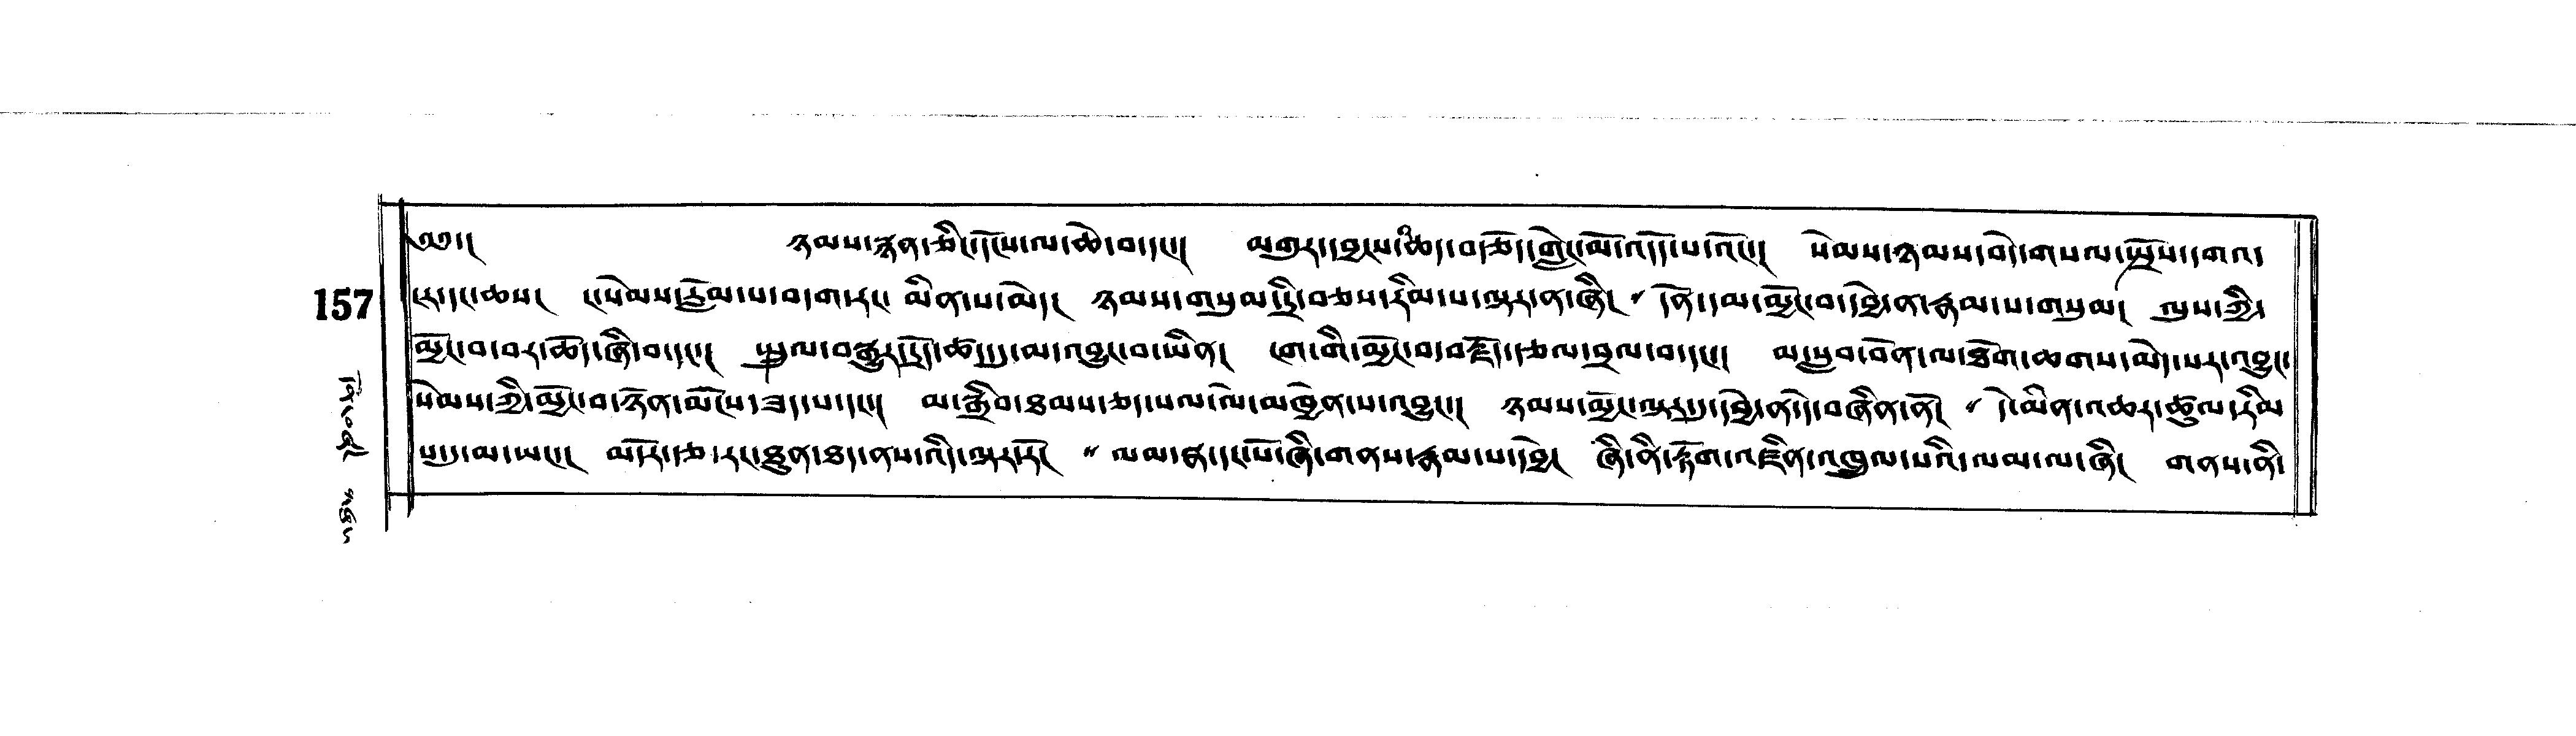ངག་ཉམས་སྙན་ཅིང་དངོས་ལ་ཆེ་བ་དང་། མགུར་དབྱངས་འཆད་རྕོད་གླེང་མོ་འདོད་པ་འོང་། སེམས་ཉམས་བདེ་གསལ་སྤྲོས་དགའ་
ངར་དང་ཆས། ངར་སེམས་རློམ་པ་བདག་རང་ མིན་པ་མེད། ཉམས་གསུམ་དྲི་བཅས་རིམ་པ་ལྟར་ན་ཞི། ༧ དོན་དམ་མྱོང་བ་དབྱེ་ན་རྣམ་པ་གསུམ། ལུས་ཀྱི་
མྱོང་བ་བར་ཆོད་ཞི་བ་དང་། སྤྲུལ་སྒྱུར་དྲོད་ཚད་དུ་མ་འབྱུང་བ་ཡིན། ངག་གི་མྱོང་བ་བརྗོད་རྩལ་བྲལ་བ་དང་། མ་བསླབས་བོན་ལ་ཐོགས་ཆགས་མེད་པ་འབྱུང་། 
སེམས་ཀྱི་མྱོང་བ་ཉོན་མོངས་ཟད་པ་དང་། མ་བསྒྲིབས་ཐམས་ཅད་ས་ལེ་མཁྱེན་པ་འབྱུང་། ཉམས་མྱོང་ལྟར་དུ་དབྱེ་ན་དེ་བཞིན་ནོ། ༧ དེ་མིན་འཆར་ཚུལ་རིམ་
པ་དུ་མ་ཡང་། མདོར་རྩ་རང་མཐུན་ཐད་ནས་འདི་ལྟར་རོ། ལམ་སྣ་དང་པོ་ཞི་གནས་རྣམ་པ་དབྱེ། ཞི་ནི་རྟོག་འཛིན་འཁྲུལ་པའི་ལམ་ལ་ཞི། གནས་ནི་